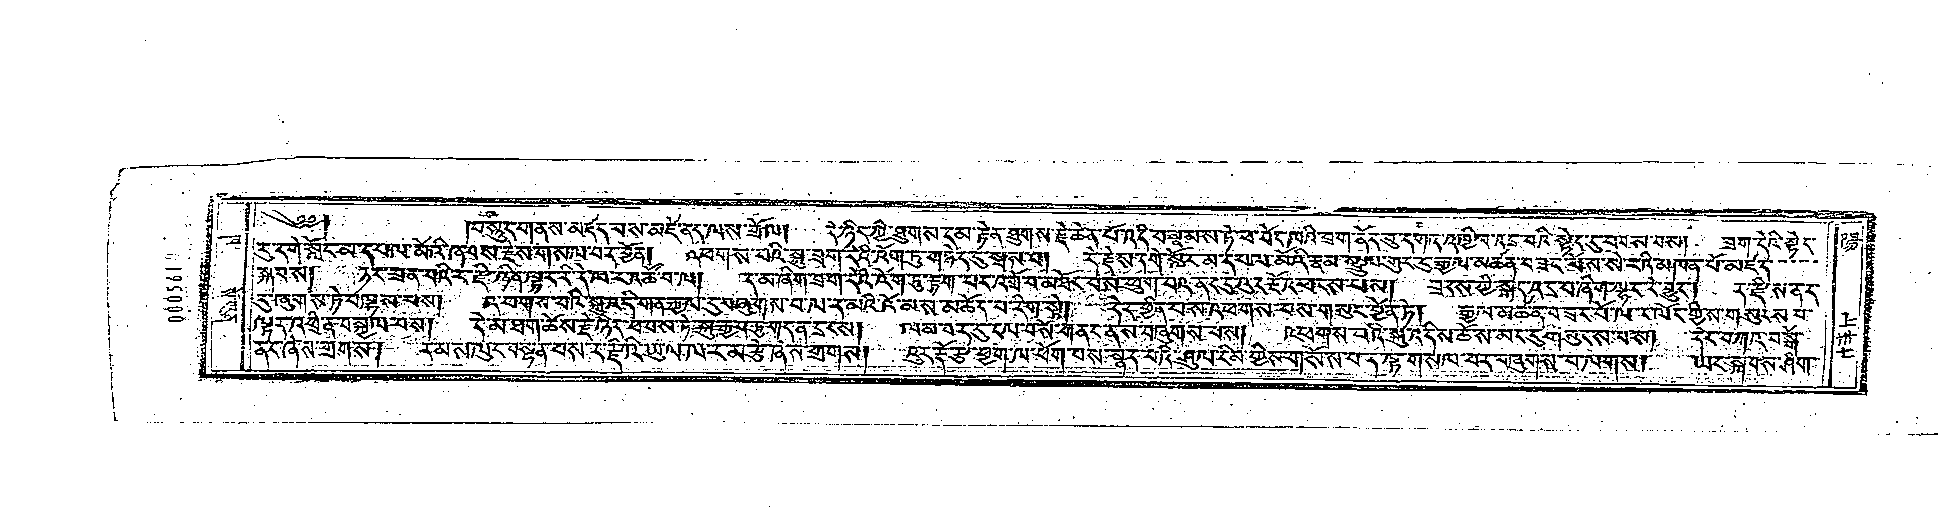༄༅། །བསྙུང་གནས་མཛད་པས་མཛེ་ནད་ལས་གྲོལ། དེ་ཉིད་ཀྱི་ཐུགས་དམ་རྟེན་ཐུགས་རྗེ་ཆེན་པོ་འདི་བསྣམས་ཏེ་ཕ་བོང་ཁའི་བྲག་ནོད་བུ་དགའ་འཁྱིལ་འདྲ་བའི་སྟེང་དུ་བབས་པས། བྲག་དེའི་སྟེང་
དུ་དགེ་སློང་མ་དཔལ་མོའི་ཞབས་རྗེས་གསལ་བར་བྱོན། འཕགས་པའི་སྐུ་བྲག་དེའི་འོག་ཏུ་གཏེད་དུ་སྦས་བ། དེ་རྗེས་དགེ་སློང་མ་དཔལ་མོའི་རྣམ་སྤྲུལ་གུང་དུ་རྒྱལ་མཚན་བཟང་པོས་སེ་རའི་མཁན་པོ་མཛད་
སྐབས། ཉང་བྲན་པའི་ར་རྫི་ཉིན་ལྟར་རི་དེ་ལ་ར་འཚོ་བ་ལ། ད་མ་ཞིག་བྲག་དེའི་འོག་ཏུ་རྟག་པར་འགྲོ་བ་མཐོང་བས་ཕུག་པའི་ནང་དུ་འུང་རྡོ་འཕངས་པས། ཟངས་ཀྱི་སྐད་འདྲ་བ་ཞིག་ལྷང་དེ་བྱུང་། ར་རྫིས་ནད་
དུ་ཞུགས་ཏེ་བལྟས་པས། འཕགས་པའི་སྐུ་འདི་གན་རྐྱལ་དུ་བཞུགས་པ་ལ་ར་མའི་འོ་མས་མ་ཆོད་པ་རིག་སྟེ། དེར་ཕྱིན་པས་འཕགས་པས་གསུང་བྱོན་ཏེ། རྒྱལ་མཚན་བཟང་པོ་ལ་ང་ལོང་གྱིས་གསུང་པ་
ལྟར་འཕྲིན་བསྐྱལ་བས། དེ་མ་ཐག་ཆོས་རྗེ་ཉིད་ཕ་བས་ཏེ་སྐུ་རྒྱབ་ཏུ་གདན་དྲངས། ལམ་བར་དུ་ངལ་བསོ་གནང་ནས་བཞུགས་པས། འཕགས་པའི་སྐུ་འདིས་ཆོས་མང་དུ་གསུངས་པས། དེར་བཀའ་བསྒོ་
ནང་ཞེས་གྲགས། ར་མས་ལུང་བསྟན་པས་ར་རྫིའི་ཡུ་ལ་ལ་རམ་རྩེ་ཞེས་གྲགས། འུར་རྡོ་རྩ་ཕྱག་ལ་ཕོག་པས་སྣད་པའི་ཤུལ་རིམ་གྱིས་གསོས་པ་ད་ལྟ་གསལ་བར་བཞུགས་པ་ལགས། ཡང་སྐབས་ཤིག་